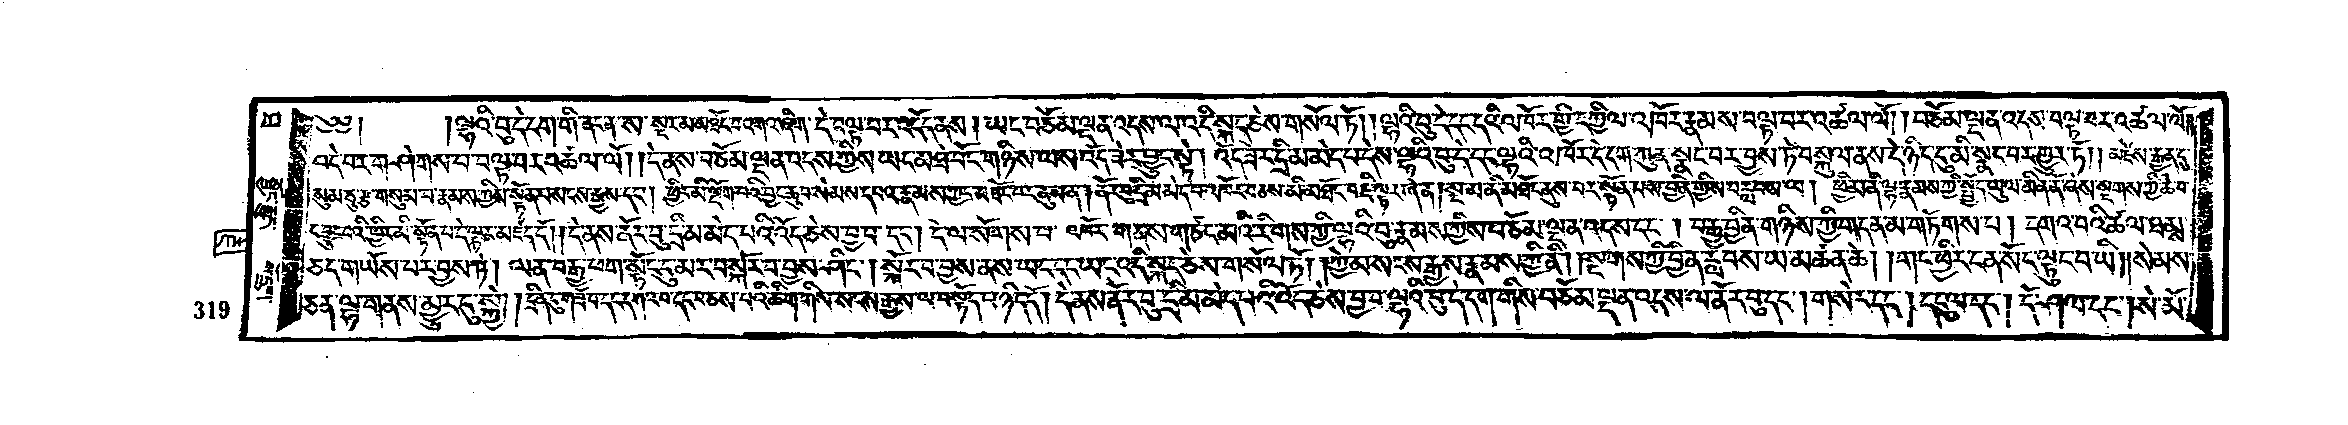༄༅། །ལྷའི་བུ་དེ་དག་གི་ནང་ན་ས་སྔར་མ་མཐོང་བ་འགའ་ཞིག་དེ་བལྟ་བར་འདོད་ནས། ཡང་བཅོམ་ལྡན་འདས་ལ་འདི་སྐད་ཅེས་གསོལ་ཏོ། །ལྷའི་བུ་དེ་དང་དེའི་འཁོར་གྱི་དཀྱིལ་འཁོར་རྣམས་བལྟ་བར་འཚལ་ལོ། །བཅོམ་ལྡན་འདས་བལྟ་བར་འཚལ་ལོ། །
བདེ་བར་གཤེགས་པ་བལྟ་བར་འཚལ་ལོ། །དེ་ནས་བཅོམ་ལྡན་འདས་ཀྱིས་ཡང་མཐེ་བོང་གཉིས་ལས་འོད་ཟེར་བྱུང་སྟེ། འོད་ཟེར་དྲི་མ་མེད་པ་དེས་ལྷའི་བུ་དེ་དང་ལྷའི་འཁོར་དེ་དག་ཀུན་སྣང་བར་བྱས་ཏེ་བསྐུལ་ནས་དེ་ཉིད་དུ་མི་སྣང་བར་གྱུར་ཏོ། །མཛེས་རྒྱན་དུ་
སུམ་ཅུ་རྩ་གསུམ་པ་རྣམས་ཀྱིས་སྟོན་པ་སངས་རྒྱས་དང་། ཕྱིར་མི་ལྡོག་པའི་བྱང་ཆུབ་སེམས་དཔའ་རྣམས་ཀྱང་མཐོང་བར་ནུས་ན། ནོར་བུ་དྲི་མ་མེད་པ་འཁོར་བཅས་མི་མཐོང་བ་ཇི་ལྟར་ཞེ་ན། སྔ་མ་ནི་མཐོང་ནུས་པར་སྟོན་པས་བྱིན་གྱིས་བརླབས་ལ། ཕྱི་མ་ནི་ལྷ་རྣམས་ཀྱི་སྤྱོད་ཡུལ་མིན་ནོ་ཞེས་སྔགས་ཀྱི་ཆེ་བ་
དབྱུང་བའི་ཕྱིར་མི་སྟོན་པ་དེ་ལྟར་མཛད་དོ། །དེ་ནས་ནོར་བུ་དྲི་མ་མེད་པའི་འོད་ཅེས་བྱ་བ་དང་། དེ་ལ་སོགས་པ་འཁོར་གནས་གཙང་མའི་རིགས་ཀྱི་ལྷའི་བུ་རྣམས་ཀྱིས་བཅོམ་ལྡན་འདས་དང་། བརྒྱ་བྱིན་གཉིས་ཀྱི་གདན་མ་གཏོགས་པ། དགའ་བའི་ཚལ་ཐམས་
ཅད་གཡོས་པར་བྱས་ཏེ། ལན་བརྒྱ་ཕྲག་སྟོང་དུ་མར་བསྐོར་བ་བྱས་ཤིང་། སྐོར་བ་བྱས་ནས་ཡང་དང་ཡང་འདི་སྐད་ཅེས་གསོལ་ཏོ། །ཀྱེ་མ་སངས་རྒྱས་རྣམས་ཀྱི་ནི། །སྔགས་ཀྱི་བྱིན་རླབས་ཡ་མཚན་ཆེ། །གང་ཕྱིར་ངན་སོང་ལྟུང་བ་ཡི། །སེམས་
ཅན་ལྷ་གནས་མྱུར་དུ་སྐྱེ། །དྲིན་དུ་གཟོ་བ་དང་དགའ་བ་དང་བཅས་པའི་ཚིག་གིས་སངས་རྒྱས་ལ་བསྟོད་པ་ཉིད་དེ། དེ་ནས་ནོར་བུ་དྲི་མ་མེད་པའི་འོད་ཅེས་བྱ་བ་ལྷའི་བུ་དེ་དག་གིས་བཅོམ་ལྡན་འདས་ལ་ནོར་བུ་དང་། གསེར་དང་། དངུལ་དང་། དོ་ཤལ་དང་། སེ་མོ་